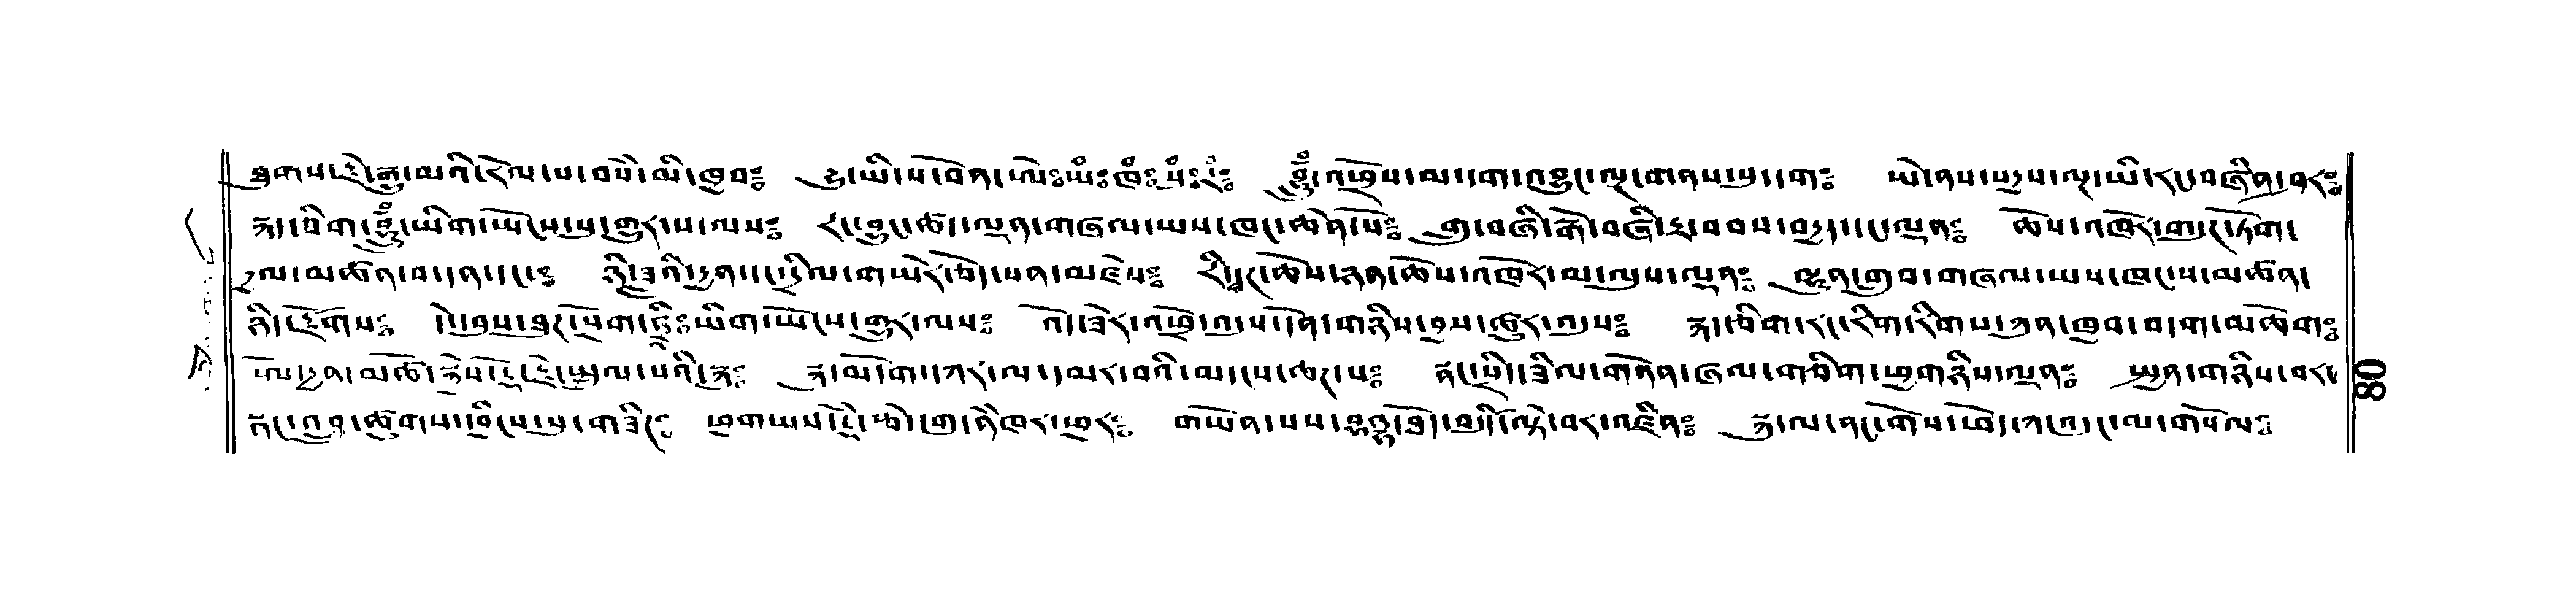ཐུགས་རྗེ་སྒྱུ་མའི་རོལ་པ་བསམ་མི་ཁྱབ༔ རྒྱུ་ཡི་ས་བོན་ཨེ་ཡཾ་ཁཾ་སུཾ་རཾ༔ བྷྲཱུྃ་འཕྲོས་མ་དག་འབྱུང་ལྔ་གནས་སུ་དག༔ ཡེ་ནས་སངས་རྒྱས་ལྔ་ཡི་རང་བཞིན་ཤར༔ 
སྐད་ཅིག་བྷྲཱུྃ་ཡིག་ཡོངས་སུ་གྱུར་པ་ལས༔ རང་བྱུང་ཚད་ལྡན་གཞལ་ཡས་ཁང་ཆེན་པོ༔ གྲུ་བཞི་སྒོ་བཞི་རྟ་བབས་བརྒྱད་དང་ལྡན༔ ཆོས་འཁོར་གདུགས་ཏོག་
རྒྱལ་མཚན་བ་དན་དང་ཿ ཉི་ཟླའི་རྒྱན་དང་དྲིལ་གཡེར་ཅོད་པཎ་མཛེས༔ རི་དྭགས་ཆོས་ཉན་ཆོས་འཁོར་མ་ལུས་ལྡན༔ ལྷུན་གྲུབ་གཞལ་ཡས་ཁང་པ་མཚན་
ཉིད་རྫོགས༔དེ་དབུས་ཐུགས་སྲོག་ཧྲཱིཿཡིག་ཡོངས་གྱུར་ལས༔ འོད་ཟེར་འཕྲོ་འདུས་དོན་གཉིས་བྱས་ཚུར་འདུས༔ སྐད་ཅིག་རང་རིག་རིགས་ཀུན་ཁྱབ་བདག་མཆོག༔ 
ཨོ་རྒྱན་མཚོ་སྐྱེས་རྡོ་རྗེ་སྤྲུལ་པའི་སྐུ༔ སྐུ་མདོག་དཀར་ལ་དམར་བའི་མདངས་ཆགས་པ༔ སྣང་སྲིད་ཟིལ་གནོན་ཞལ་གཅིག་ཕྱག་གཉིས་ལྡན༔ སྤྱན་གཉིས་བར་
སྣང་འབྲུ་ཚུགས་དབྱིངས་སུ་གཟིགས༔ ཕྱག་གཡས་རྡོ་རྗེ་རྩེ་དགུ་ནམ་མཁར་ཕྱར༔ གཡོན་པས་བྷནྡྷ་ཐོད་བུམ་ལྟེ་བར་འཛིན༔ སྐུ་ལ་ནང་གོས་ཕོད་ཀ་འདུང་མ་གསོལ༔